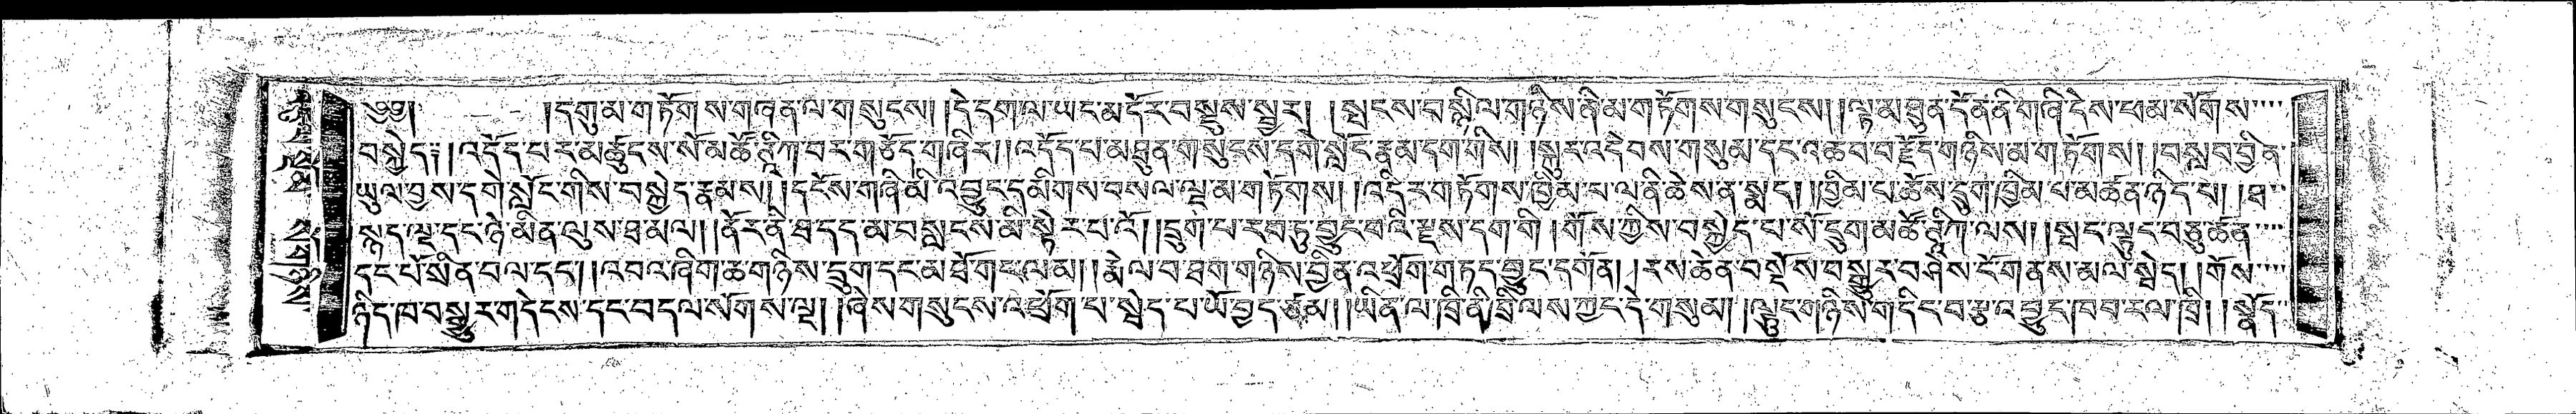༄༅། །དགུ་མ་གཏོགས་གཞན་ལ་གསུངས། །དེ་དག་ལ་ཡང་མདོར་བསྡུས་སྦྱར། །སྤངས་བསྙིལ་གཉིས་ནི་མ་གཏོགས་གསུངས། །ལྟ་མཐུན་དོན་ནི་གཞི་དེས་ཕམ་སོགས་
བསྐྱེད༑ །འདོད་པར་མཚུངས་སོ་མཚོ་ཊཱིཀ་བར་གཅོད་གཞིར། །འདོད་པ་མཐུན་གསུངས་དགེ་སློང་རྣམ་དག་གིས། །སྐུར་འདེབས་གསུམ་དང་འཆབ་བརྗོད་གཉིས་མ་གཏོགས། །བསླབ་བྱིན་
ཡུལ་བྱས་དགེ་སློང་གིས་བསྐྱེད་རྣམས། །དངོས་གཞི་མི་འབྱུང་དམིགས་བསལ་ལྔ་མ་གཏོགས། །འདིར་གཏོགས་ཁྱིམ་པ་ལ་ནི་ཆེས་ན་སྨད། །ཁྱིམ་པ་ཆོས་དྲུག་ཁྱིམ་པ་མཚན་ཉིད་པ། །ཐ་
སྙད་ལྔ་དང་ཉེ་མིན་ལུས་ཐ་མལ། །ནོར་ནི་ཐ་དད་མ་བསླངས་མི་སྟེར་པ་འོ། །དྲུག་པ་རབ་ཏུ་བྱུང་བའི་རྫས་དག་གི །གོས་ཀྱིས་བསྐྱེད་པ་སོ་དྲུག་མཚོ་ཊཱིཀ་ལས། །སྤང་ལྟུང་བཅུ་ཚན་
དང་པོ་སྲིན་བལ་དང་། །འབའ་ཞིག་ཆ་གཉིས་དྲུག་དང་མཐོ་གང་ལམ། །རྨེལ་བ་ཐག་གཉིས་བྱིན་འཕྲོག་གཏང་བྱུང་དགོན། །རས་ཆེན་བསྔོས་བསྒྱུར་བཤེས་ངོ་གནས་མལ་སྦེད། །གོས་
ཉིད་ཁ་བསྒྱུར་གདེངས་དང་བདལ་སོགས་ལྔ། །ཞེས་གསུངས་འཕྲོག་པ་སྦེད་པ་ཡོ་བྱད་ཙམ། །ཡིན་ལ་ཁྲི་ནི་ཁྲི་ལས་ཀྱང་དེ་གསུམ། །ལྟུང་གཉིས་གདིང་བ་རྩ་འབྱུང་ཁབ་རལ་ཁྲི། །སྣོད་